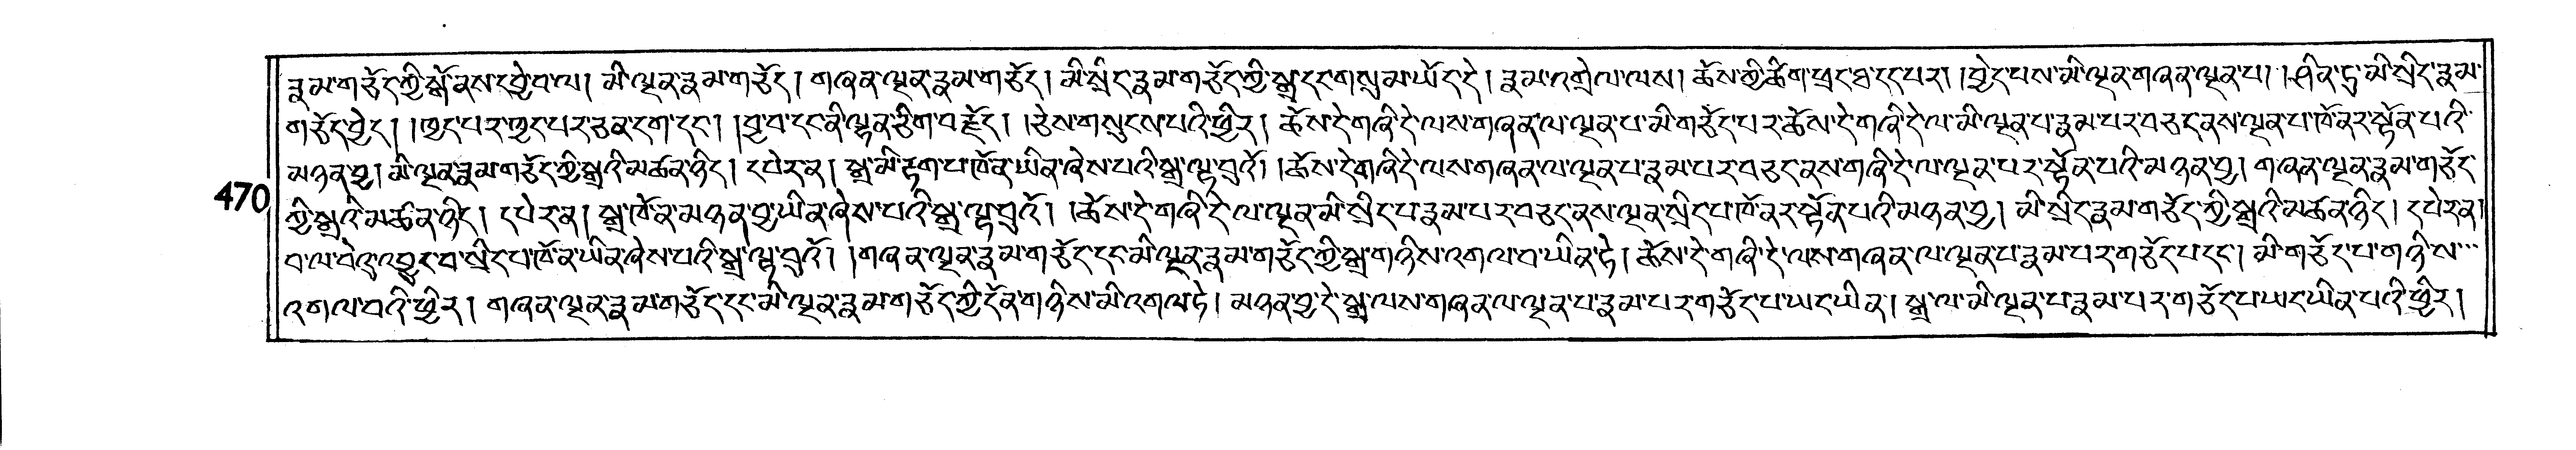རྣམ་གཅོད་ཀྱི་སྒོ་ནས་དབྱེ་བ་ལ། མི་ལྡན་རྣམ་གཅོད། གཞན་ལྡན་རྣམ་གཅོད། མི་སྲིད་རྣམ་གཅོད་ཀྱི་སྒྲ་དང་གསུམ་ཡོད་དེ། རྣམ་འགྲེལ་ལས། ཆོས་ཀྱི་ཚིག་ཕྲད་ཐ་དད་པར། །བྱེད་པས་མི་ལྡན་གཞན་ལྡན་པ། །ཤིན་ཏུ་མི་སྲིད་རྣམ་
གཅོད་བྱེད། །ཁྱད་པར་ཁྱད་པར་ཅན་དག་དང་། །བྱ་བ་དང་ནི་ལྷན་ཅིག་བརྗོད། །ཅེས་གསུངས་པའི་ཕྱིར། ཆོས་དེ་གཞི་དེ་ལས་གཞན་ལ་ལྡན་པ་མི་གཅོད་པར་ཆོས་དེ་གཞི་དེ་ལ་མི་ལྡན་པ་རྣམ་པར་བཅད་ནས་ལྡན་པ་ཁོ་ནར་སྟོན་པའི་
མཉན་བྱ། མི་ལྡན་རྣམ་གཅོད་ཀྱི་སྒྲའི་མཚན་ཉིད། དཔེར་ན། སྒྲ་མི་རྟག་པ་ཁོ་ན་ཡིན་ཞེས་པའི་སྒྲ་ལྟ་བུའོ། །ཆོས་དེ་གཞི་དེ་ལས་གཞན་ལ་ལྡན་པ་རྣམ་པར་བཅད་ནས་གཞི་དེ་ལ་ལྡན་པར་སྟོན་པའི་མཉན་བྱ། གཞན་ལྡན་རྣམ་གཅོད་
ཀྱི་སྒྲའི་མཚན་ཉིད། དཔེར་ན། སྒྲ་ཁོ་ན་མཉན་བྱ་ཡིན་ཞེས་པའི་སྒྲ་ལྟ་བུའོ། །ཆོས་དེ་གཞི་དེ་ལ་ལྡན་མི་སྲིད་པ་རྣམ་པར་བཅད་ནས་ལྡན་སྲིད་པ་ཁོ་ནར་སྟོན་པའི་མཉན་བྱ། མི་སྲིད་རྣམ་གཅོད་ཀྱི་སྒྲའི་མཚན་ཉིད། དཔེར་ན།
བ་ལ་བེའུ་འབྱུང་བ་སྲིད་པ་ཁོ་ན་ཡིན་ཞེས་པའི་སྒྲ་ལྟ་བུའོ། །གཞན་ལྡན་རྣམ་གཅོད་དང་མི་ལྡན་རྣམ་གཅོད་ཀྱི་སྒྲ་གཉིས་འགལ་བ་ཡིན་ཏེ། ཆོས་དེ་གཞི་དེ་ལས་གཞན་ལ་ལྡན་པ་རྣམ་པར་གཅོད་པ་དང་། མི་གཅོད་པ་གཉིས་
འགལ་བའི་ཕྱིར། གཞན་ལྡན་རྣམ་གཅོད་དང་མི་ལྡན་རྣམ་གཅོད་ཀྱི་དོན་གཉིས་མི་འགལ་ཏེ། མཉན་བྱ་དེ་སྒྲ་ལས་གཞན་ལ་ལྡན་པ་རྣམ་པར་གཅོད་པ་ཡང་ཡིན། སྒྲ་ལ་མི་ལྡན་པ་རྣམ་པར་གཅོད་པ་ཡང་ཡིན་པའི་ཕྱིར་